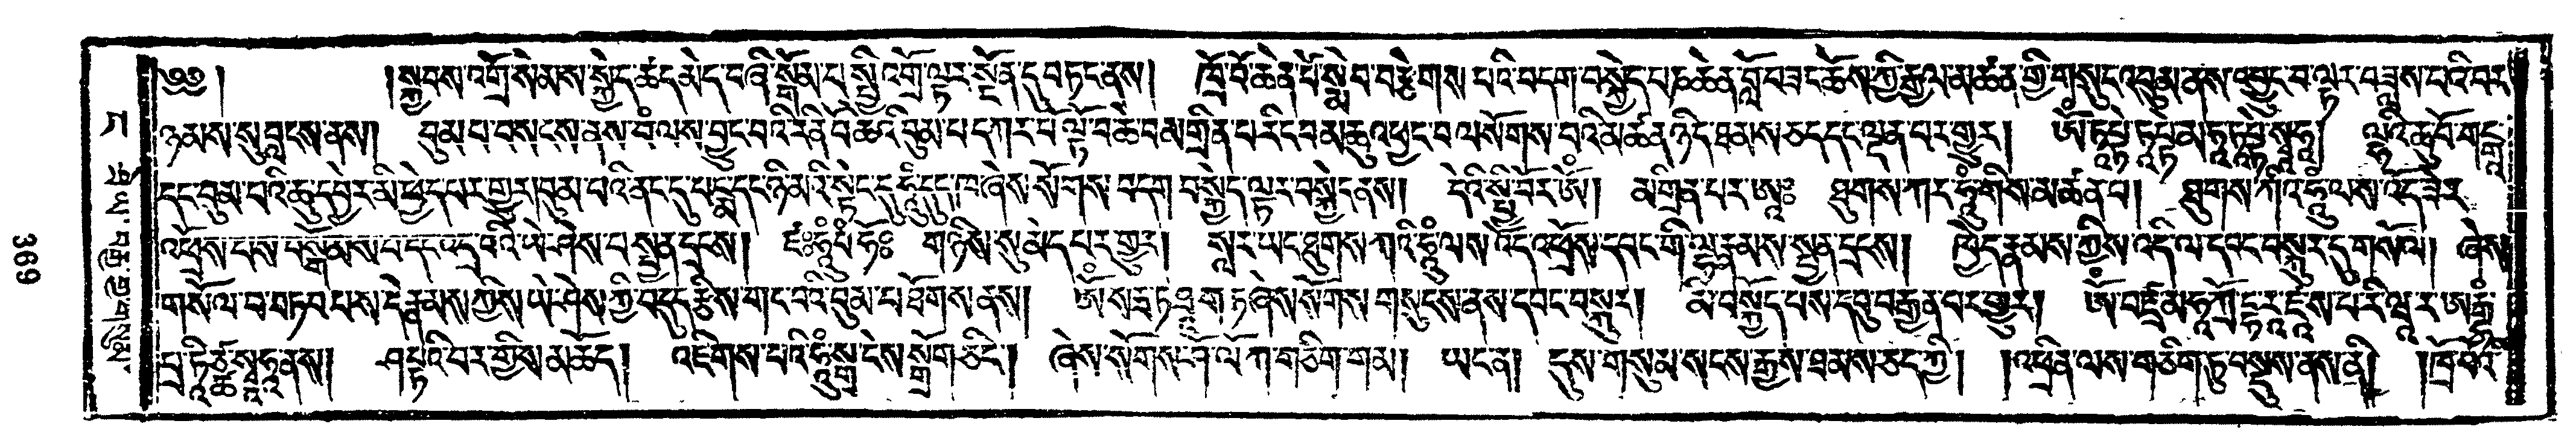༄༅། །སྐྱབས་འགྲོ་སེམས་སྐྱེད་ཚད་མེད་བཞི་སྒོམ་པ་སྤྱི་འགྲོ་ལྟར་སྔོན་དུ་བཏང་ནས། ཁྲོ་བོ་ཆེན་པོ་སྨེ་བ་བརྩེགས་པའི་བདག་བསྐྱེད་པཎ་ཆེན་བློ་བཟང་ཆོས་ཀྱི་རྒྱལ་མཚན་གྱི་གསུངས་འབུམ་ནས་འབྱུང་བ་ལྟར་བཟླས་པའི་བར་
ཉམས་སུ་བླངས་ནས། བུམ་པ་བསངས་ནས་བཾ་ལས་བྱུང་པའི་རིན་པོ་ཆིའི་བུམ་པ་དཀར་པོ་ལྟོ་བ་ཆེ་བ་མགྲིན་པ་རིང་བ་མཆུ་འཕང་བ་ལ་སོགས་པའི་མཚན་ཉིད་ཐམས་ཅད་དང་ལྡན་པར་གྱུར། །ཨོཾ་ཏཱཔྟེ་མ་ཧཱ་ཏཱ་བཏེ་སྭཱ་ཧཱ། ལྷའི་ཆུ་བོ་གངྒའ་
དང་བུམ་པའི་ཆུ་དབྱེར་མི་ཕྱེད་པར་གྱུར། བུམ་པའི་ནང་དུ་པདམ་དང་ཉི་མའི་སྟེང་དུ་ཧཱུཾ་དུད་ཁ་ཞེས་སོགས་བདག་བསྐྱེད་ལྟར་བསྐྱེད་ནས། །དེའི་སྤྱི་བོར་ཨོཾ། མགྲིན་པར་ཨཱཿ ཐུགས་ཀར་ཧཱུཾ་གིས་མཚན་པ། །ཐུགས་ཀའ་ཧཱུཾ་ལས་འོད་ཟེར་
འཕྲོས་པས་བསྒོམས་པ་དང་འདྲ་པའི་ཡེ་ཤེས་པ་སྤྱན་དྲངས། ཛཿ ཧཱུཾ་པཾ་ཧོཿ གཉིས་སུ་མེད་པར་གྱུར། སླར་ཡང་ཐུགས་ཀའི་ཧཱུཾ་ལས་འོད་འཕྲོས་དབང་གི་ལྷ་རྣམས་སྤྱན་དྲངས། །ཁྱེད་རྣམས་ཀྱིས་འདི་ལ་དབང་བསྐུར་དུ་གསོལ། །ཞེས།
གསོལ་པ་བཏབ་པས་དེ་རྣམས་ཀྱིས་ཡེ་ཤེས་ཀྱི་བདུད་རྩིད་གང་བའི་བུམ་པ་ཐོགས་ནས། །ཨོཾ་སརྦ་ཏ་ཐཱ་ག་ཏ་ཞེས་སོགས་གསུངས་ནས་དབང་བསྐུར། །མི་བསྐྱོད་པས་དབུ་བརྒྱན་པར་གྱུར། །ཨོཾ་བཛྲ་མ་ཧཱ་ཀྲོ་དྷ་རཱ་ཛཱ་ས་བ་རི་ཝཱ་ར་ཨརྒྷཾ་
པྲ་ཏཱིཙྪ་སྭཱ་ཧཱ་ནས། ཤཔྟའི་བར་གྱིས་མཆོག། །འཇིགས་པའི་ཧཱུཾ་སྒྲ་ངེས་སྒྲོག་ཅིང་། །ཞེས་སོགས་ཤོ་ལོ་ཀ་གཅིག་གམ། །ཡང་ན། དུད་གསུམ་སངས་རྒྱས་ཐམས་ཅད་ཀྱི། །འཕྲིན་ལས་གཅིག་ཏུ་བསྡུས་ནས་ནི། །ཁྲོ་བོའི་